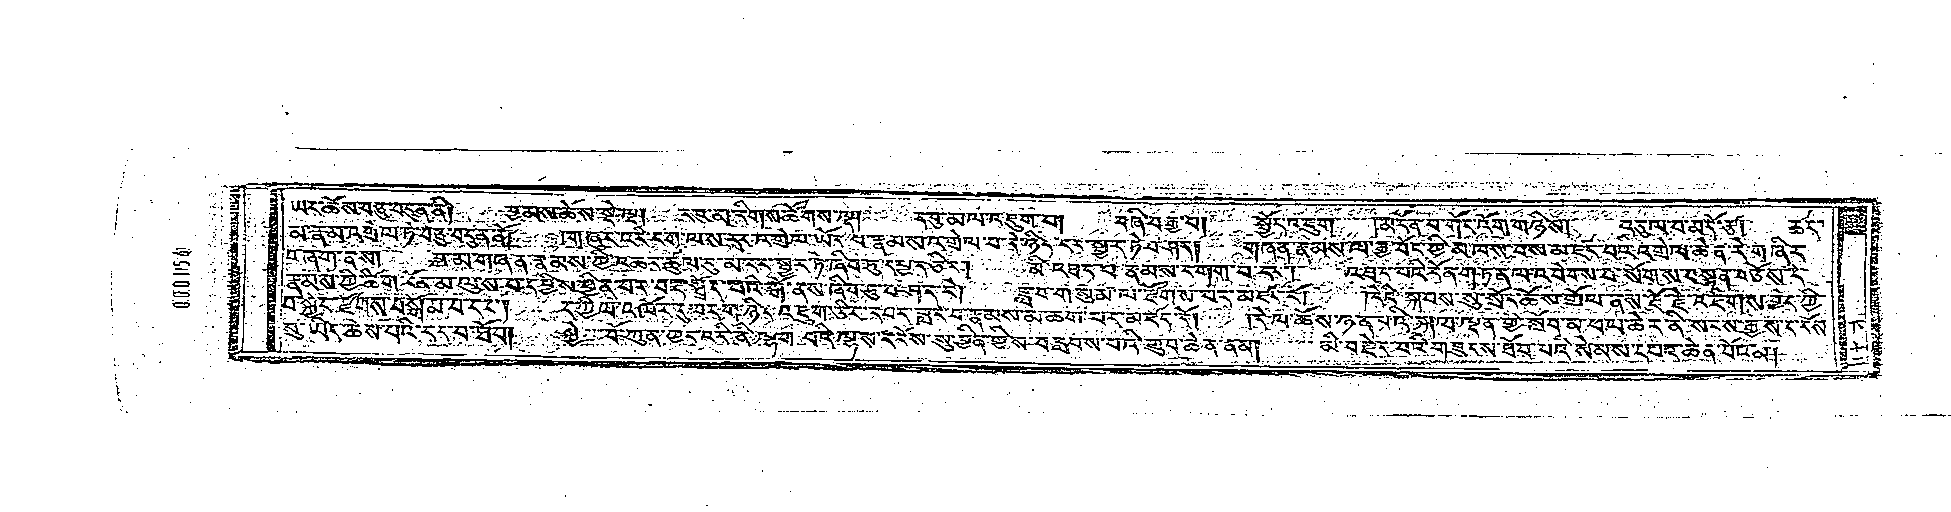ཡར་ཆོས་བཅུ་བདུན་ནི། བྱམས་ཆོས་སྡེ་ལྔ། དབུ་མ་རིགས་ཚོགས་ལྔ། དབུ་མལ་འཇུག་བ། བཞི་བརྒྱ་པ། སྤྱོད་འཇུག །མངོན་པ་གོང་འོག་གཉིས། འདུལ་བ་མདོ་རྩ། ཚང་
མ་རྣམ་འགྲེལ་ཏེ་བཅུ་བདུན་ནོ། །གཞུང་འདི་ངག་ལས་རང་འགྲེལ་ཡོད་པ་རྣམས་འགྲེལ་བ་དེ་ཉིད་དང་སྦྱར་ཏེ་བཤད། གཞན་རྣམས་ལ་རྒྱ་བོད་ཀྱི་མཁས་བས་མཛད་བའི་འགྲེལ་ཆེན་རེ་གཞིར་
བཞག་ནས། བླ་མ་གཞན་རྣམས་ཀྱི་འཆད་ཚུལ་དུ་མ་དང་སྦྱར་ཏེ་ཞིབ་ཏུ་དཔྱད་ཅིང་། མི་འཐད་པ་རྣམས་དགག་པ་དང་། འཐད་པའི་དོན་གཏན་ལ་འབེབས་བ་སོགས་བསྟན་བཅོས་དེ་
རྣམས་ཀྱི་ཚིག་དོན་མ་ལུས་པ་དབྱིས་ཕྱིན་བར་བརྡ་སྤྲོད་བའི་སྒོ་ནས་ཞིབ་ཏུ་བཤད་དེ། ཟླ་བ་གསུམ་ལ་རྫོགས་པར་མཛད་དོ། །དེའི་སྐབས་སུ་སྲོང་ཆོས་གྲོལ་ནས་རྡོ་རྗེ་འཇིགས་བྱེད་ཀྱི་
བསྐྱེད་རྫོགས་བསྒོམ་པ་དང་། དཀྱིལ་འཁོར་དུ་བདག་ཉིད་འཇུག་ཅིང་དབང་བླང་བ་རྣམས་མ་ཆག་པར་མཛད་དོ། །དེ་ལ་ཆོས་ཉན་པའི་སྐལ་ལྡན་གྱི་སློབ་མ་ཕལ་ཆེར་ནི་སངས་རྒྱས་དངོས་
སུ་ཡིད་ཆེས་པའི་དང་པ་ཐོབ། སྐྱེ་བོ་ཀུན་ཀྱང་འདི་ནི་ལྷག་བའི་ལྷས་དངོས་སུ་བྱིན་གྱིས་བརླབས་པའི་གྲུབ་ཆེན་ནམ། མི་བརྗེད་བའི་གཟུངས་ཐོབ་པའི་སེམས་དཔའ་ཆེན་པོའམ།